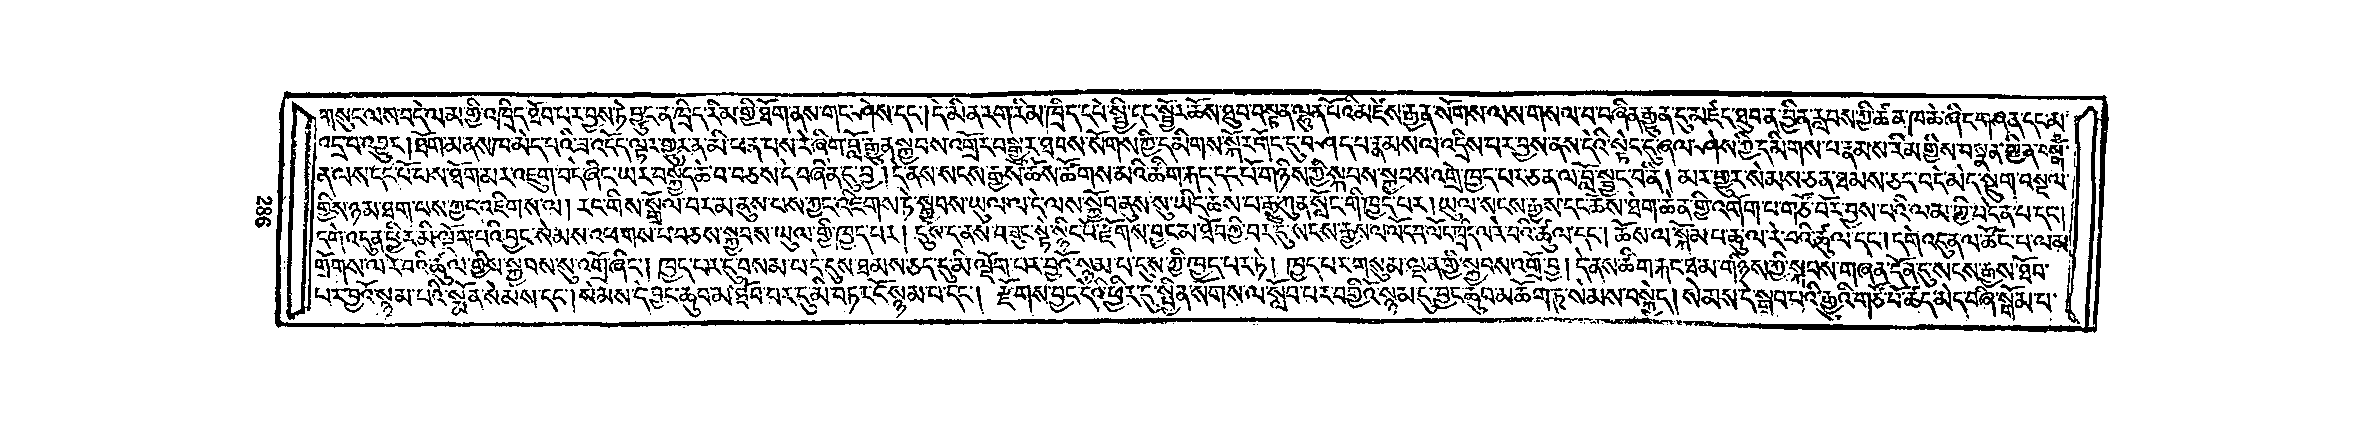གསུང་ལས་བདེ་ལམ་གྱི་འཁྲིད་ཐོབ་པར་བྱས་ཏེ་བྱུང་ན་ཁྲིད་རིམ་གྱི་ཐོག་ནས་གང་ཤེས་དང་། དེ་མིན་རག་རིམ་ཁྲིད་དཔེ་སྤྱི་དང་སྦྱོར་ཆོས་ཐུབ་བསྟན་ལྷུན་པོའི་མཛེས་རྒྱན་སོགས་ལས་གསལ་བ་བཞིན་རྒྱུན་དུ་མཛད་ཐུབ་ན་བྱིན་རླབས་ཀྱི་ཚན་ཁ་ཆེ་ཞིང་གཞན་དང་མ་
འདྲ་བ་འབྱུང་། ཐོག་མ་ནས་ཁ་མེད་པའི་ཟ་འདོད་ལྟར་གྱུར་ན་མི་ཕན་པས་རེ་ཞིག་བློ་རྒྱུན་སྐྱབས་འགྲོར་བསྒྱུར་ཐབས་སོགས་ཀྱི་དམིགས་སྐོར་གོང་དུ་བཤད་པ་རྣམས་ལ་འདྲིས་པར་བྱས་ནས་དེའི་སྟེང་དུ་ཞལ་ཤེས་ཀྱི་དམིགས་པ་རྣམས་རིམ་གྱིས་བསྣན་གྱིན་བསྒོཾ་
ན་ལས་དང་པོ་པས་ཐོག་མར་འཇུག་བདེ་ཞིང་ཡར་བསྐྱེད་ཆེ་བ་བཅས་དེ་བཞིན་དུ་བྱ། དེ་ནས་སངས་རྒྱས་ཆོས་ཚོགས་མའི་ཚིག་རྐང་དང་པོ་གཉིས་ཀྱི་སྐབས་སྐྱབས་འགྲོ་ཁྱད་པར་ཅན་ལ་བློ་སྦྱང་བ་ནི། མར་གྱུར་སེམས་ཅན་ཐམས་ཅད་བདེ་མེད་སྡུག་བསྔལ་
གྱིས་ཉམ་ཐག་པས་ཀྱང་འཇིགས་ལ། རང་གིས་སྒྲོལ་བར་མ་ནུས་པས་ཀྱང་འཇིགས་ཏེ་སྐྱབས་ཡུལ་ལ་དེ་ལས་སྐྱོབ་ནུས་སུ་ཡིད་ཆེས་པ་རྒྱུ་ཀུན་སློང་གི་ཁྱད་པར། ཡུལ་སངས་རྒྱས་དང་ཆོས་ཐེག་ཆེན་གྱི་འགོག་པ་གཙོ་བོར་བྱས་པའི་ལམ་གྱི་བདེན་པ་དང་།
དགེ་འདུན་ཕྱིར་མི་ལྡོག་པའི་བྱང་སེམས་འཕགས་པ་བཅས་སྐྱབས་ཡུལ་གྱི་ཁྱད་པར། དུས་ད་ནས་བཟུང་སྟེ་སྙིང་པོ་རྫོགས་བྱང་མ་ཐོབ་ཀྱི་བར་དུ་སངས་རྒྱས་ལ་ལོང་བ་ལོང་ཁྲིད་ལ་རེ་བའི་ཚུལ་དང་། ཆོས་ལ་སྐོམ་པ་ཆུ་ལ་རེ་བའི་ཚུལ་དང་། དགེ་འདུན་ལ་ཚོང་པ་ལམ་
གྲོགས་ལ་རེ་བའི་ཚུལ་གྱིས་སྐྱབས་སུ་འགྲོ་ཞིང་། ཁྱད་པར་དུ་བསམ་པ་དེ་དུས་ཐམས་ཅད་དུ་མི་ལྡོག་པར་བྱའོ་སྙམ་པ་དུས་ཀྱི་ཁྱད་པར་ཏེ། ཁྱད་པར་གསུམ་ལྡན་གྱི་སྐྱབས་འགྲོ་བྱ། དེ་ནས་ཚིག་རྐང་ཐ་མ་གཉིས་ཀྱི་སྐབས་གཞན་དོན་དུ་སངས་རྒྱས་ཐོབ་
པར་བྱའོ་སྙམ་པའི་སྨོན་སེམས་དང་། སེམས་དེ་བྱང་ཆུབ་མ་ཐོབ་བར་དུ་མི་བཏང་ངོ་སྙམ་པ་དང་། རྫོགས་བྱང་དེའི་ཕྱིར་དུ་སྦྱིན་སོགས་ལ་སློབ་པར་བགྱིའོ་སྙམ་དུ་བྱང་ཆུབ་མཆོག་ཏུ་སེམས་བསྐྱེད། སེམས་དེ་སྒྲུབ་པའི་རྒྱུའི་གཙོ་བོ་ཚད་མེད་བཞི་སྒོམ་པ་